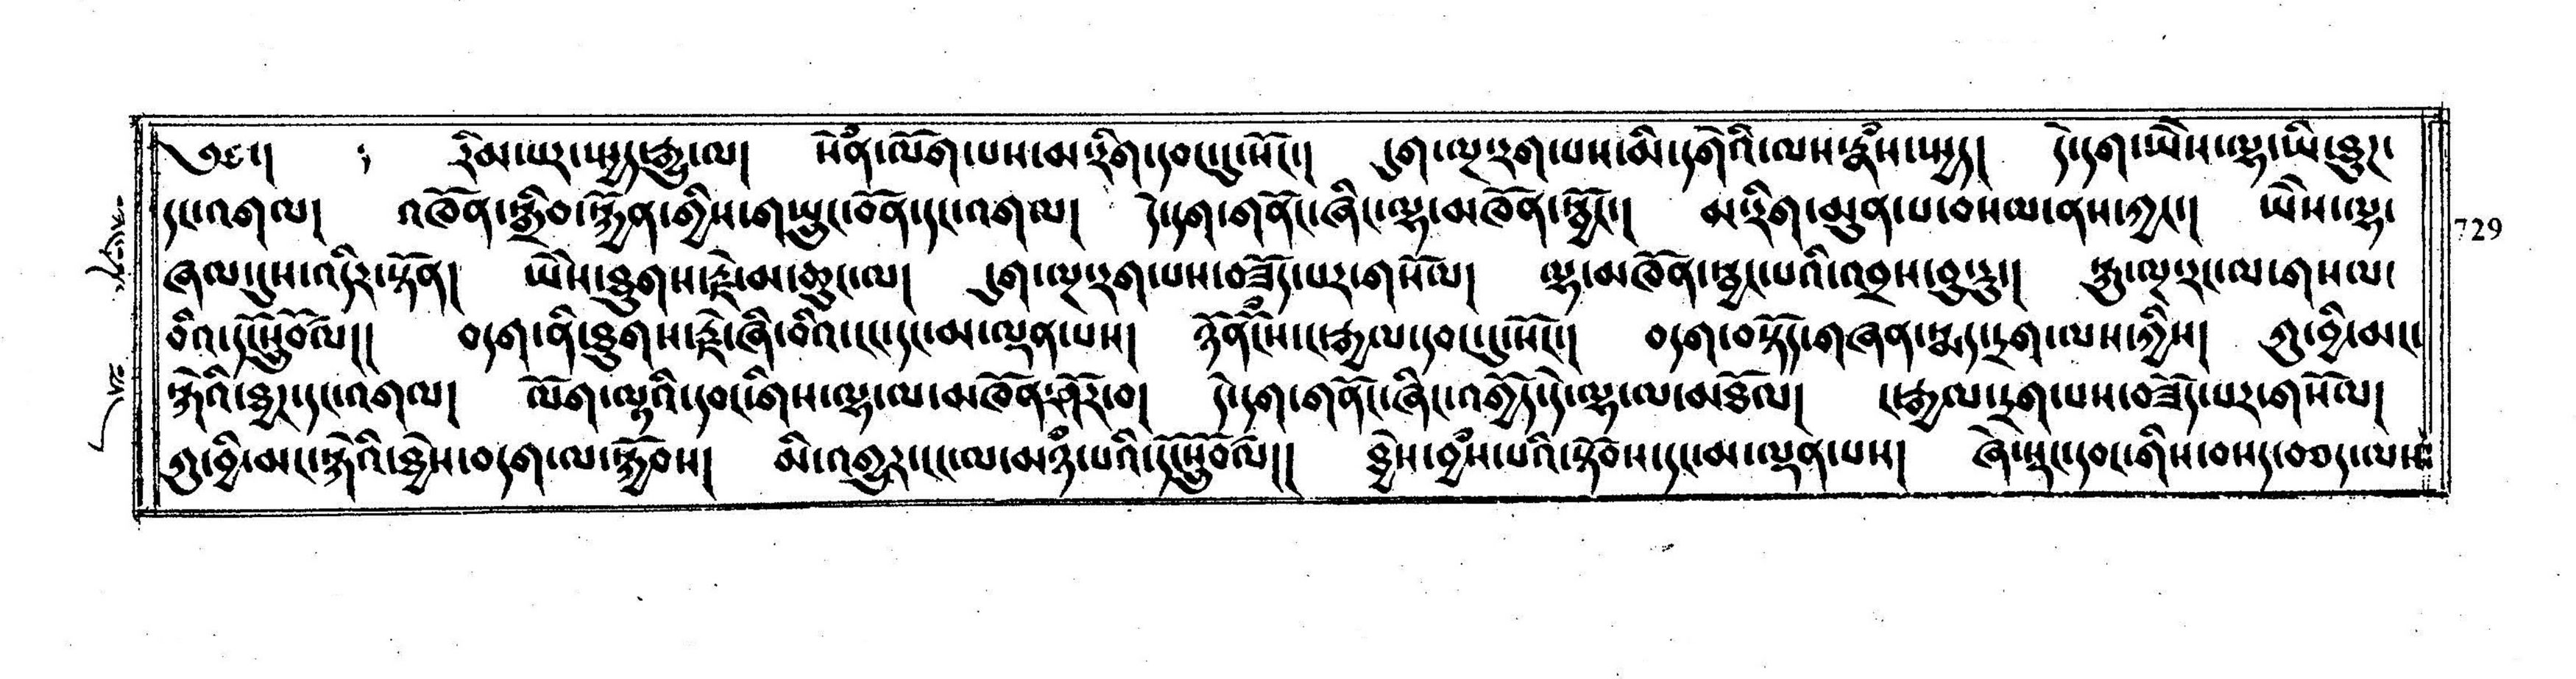རིམ་པར་སྤྱད་རྒྱུ་ལ། སེམས་ཅན་ལོག་པས་མ་རིག་དབང་དུ་སོང་། དུག་ལྔ་རག་པས་མི་དགེའི་ལས་རྣམས་སྤྱད། དེ་དག་ཡེ་ཤེས་ལྷ་ཡི་ཐུགས་
དང་འགལ། འཁོན་སྒྲིབ་སྐྱོན་གྱིས་གཡུང་དྲུང་བོན་དང་འགལ། དེ་དག་གནོང་ཞིང་ལྷ་མཁོན་སྦྱོང་། མ་རིག་མུན་པ་བསལ་ནས་ཀྱང་། ཡེ་ཤེས་ལྷ་
ཞལ་དུས་འདིར་སྟོན། ཡེ་ཤེས་ཐུགས་རྗེ་མ་ཆུང་ལ། དུག་ལྔ་རག་པས་བཟོད་པར་གསོལ། ལྷ་མཁོན་སྦྱང་པའི་འབྲས་བུ་རུ། སྐུ་ལྔ་རང་ལ་གསལ་
བའི་དངོས་གྲུབ་སྩོལ།། བདག་ནི་ཐུགས་རྗེ་ཞི་བའི་ངང་དང་མ་ལྡན་པས། ཉོན་མོངས་ང་རྒྱལ་དབང་དུ་སོང་། བདག་བསྟོད་གཞན་སྨད་དྲག་ལས་ཀྱིས། ཀུ་བྱི་མང་
སྐེའི་ཐུགས་དང་འགལ། ལོག་ལྟའི་དབང་གིས་ལྷ་ལ་མཁོན་ཤོར་བ། དེ་དག་གནོང་ཞིང་འགྱོད་དེ་ལྷ་ལ་མཐོལ། ང་རྒྱལ་དྲག་པས་བཟོད་པར་གསོལ། 
ཀུ་བྱི་མང་སྐེའི་ཐུགས་རྗེ་བདག་ལ་སྐྱོབས། མི་འགྱུར་ངང་ལ་མཉམ་པའི་དངོས་གྲུབ་སྩོལ།། ཐུགས་རྗེ་བྱམས་པའི་སྟོབས་དང་མ་ལྡན་པས། ཞེ་སྡང་དབང་གིས་བསད་བཅད་ལས་